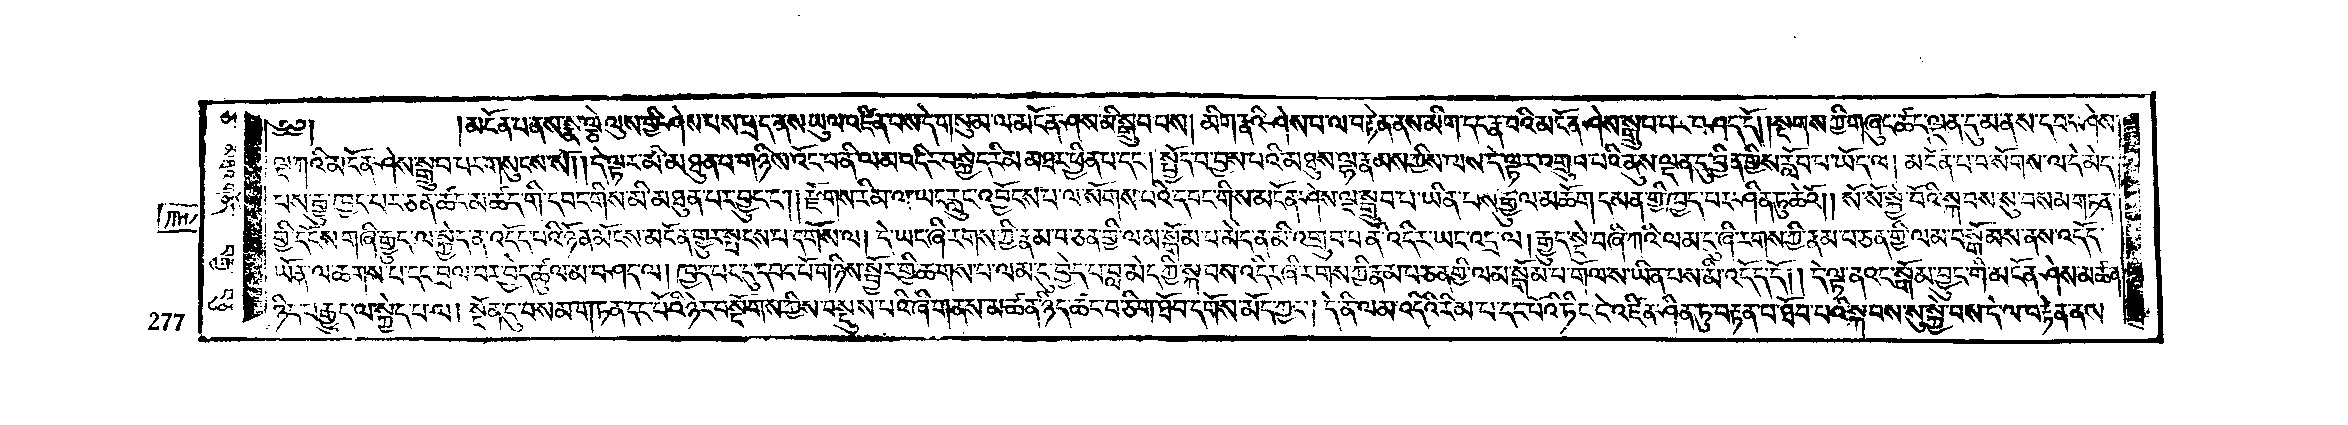༄༅། །མངོན་པ་ནས་སྣ་ལྕེ་ལུས་ཀྱི་ཤེས་པས་ཕྲད་ནས་ཡུལ་འཛིན་པས་དེ་གསུམ་ལ་མངོན་ཤེས་མི་སྒྲུབ་པས། མིག་རྣའི་ཤེས་པ་ལ་བརྟེན་ནས་མིག་དང་རྣ་བའི་མངོན་ཤེས་སྒྲུབ་པར་བཤད་དོ། །སྔགས་ཀྱི་གཞུང་ཚད་ལྡན་དུ་མ་ནས་དབང་ཤེས་
ལྔ་ཀའི་མངོན་ཤེས་སྒྲུབ་པར་གསུངས་སོ། །དེ་ལྟར་མི་མཐུན་པ་གཉིས་འོང་བ་ནི་ལམ་འདིར་བསྐྱེད་རིམ་མཐར་ཕྱིན་པ་དང་། སྤྱོད་པ་བྱས་པའི་མཐུས་ལྷ་རྣམས་ཀྱིས་ལས་དེ་ལྟར་འགྲུབ་པའི་ནུས་ལྡན་དུ་བྱིན་གྱིས་རློབ་པ་ཡོད་ལ། མངོན་པ་བ་སོགས་ལ་དེ་མེད་
པས་རྒྱུ་ཁྱད་པར་ཅན་ཚང་མ་ཚང་གི་དབང་གིས་མི་མཐུན་པར་བྱུང་ང་། །རྫོགས་རིམ་ལ་ཡང་རླུང་འབྱོངས་པ་ལ་སོགས་པའི་དབང་གིས་མངོན་ཤེས་ལྔ་སྒྲུབ་པ་ཡིན་པས་རྒྱུ་ལ་མཆོག་དམན་གྱི་ཁྱད་པར་ཤིན་ཏུ་ཆེའོ། །སོ་སོ་སྐྱེ་བོའི་སྐབས་སུ་བསམ་གཏན་
གྱི་དངོས་གཞི་རྒྱུད་ལ་སྐྱེད་ན་འདོད་པའི་ཉོན་མོངས་མངོན་གྱུར་སྤངས་པ་དགོས་ལ། དེ་ཡང་ཞི་རགས་ཀྱི་རྣམ་པ་ཅན་གྱི་ལམ་སྒོམ་པ་མེད་ན་མི་འགྲུབ་པ་ནི་འདིར་ཡང་འདྲ་ལ། རྒྱུད་སྡེ་བཞི་ཀའི་ལམ་དུ་ཞི་རགས་ཀྱི་རྣམ་པ་ཅན་གྱི་ལམ་བསྒོམས་ནས་འདོད་
ཡོན་ལ་ཆགས་པ་དང་བྲལ་བར་བྱེད་ཚུལ་མ་བཤད་ལ། ཁྱད་པར་དུ་དབང་པོ་གཉིས་སྦྱོར་གྱི་ཆགས་པ་ལམ་དུ་བྱེད་པ་བླ་མེད་ཀྱི་སྐབས་འདིར་ཞི་རགས་ཀྱི་རྣམ་པ་ཅན་གྱི་ལམ་སྒོམ་པ་གོལ་ས་ཡིན་པས་མི་འདོད་དོ། །དེ་ལྟ་ནའང་སྒོམ་བྱུང་གི་མངོན་ཤེས་མཚན་
ཉིད་པ་རྒྱུད་ལ་སྐྱེད་པ་ལ། སྔོན་དུ་བསམ་གཏན་དང་པོའི་ཉེར་བསྡོགས་ཀྱིས་བསྡུས་པའི་ཞི་གནས་མཚན་ཉིད་ཚང་བ་ཅིག་ཐོབ་དགོས་མོད་ཀྱང་། དེ་ནི་ལམ་འདིའི་རིམ་པ་དང་པོའི་ཏིང་ངེ་འཛིན་ཤིན་ཏུ་བརྟན་པ་ཐོབ་པའི་སྐབས་སུ་སྐྱེ་བས་དེ་ལ་བརྟེན་ནས་